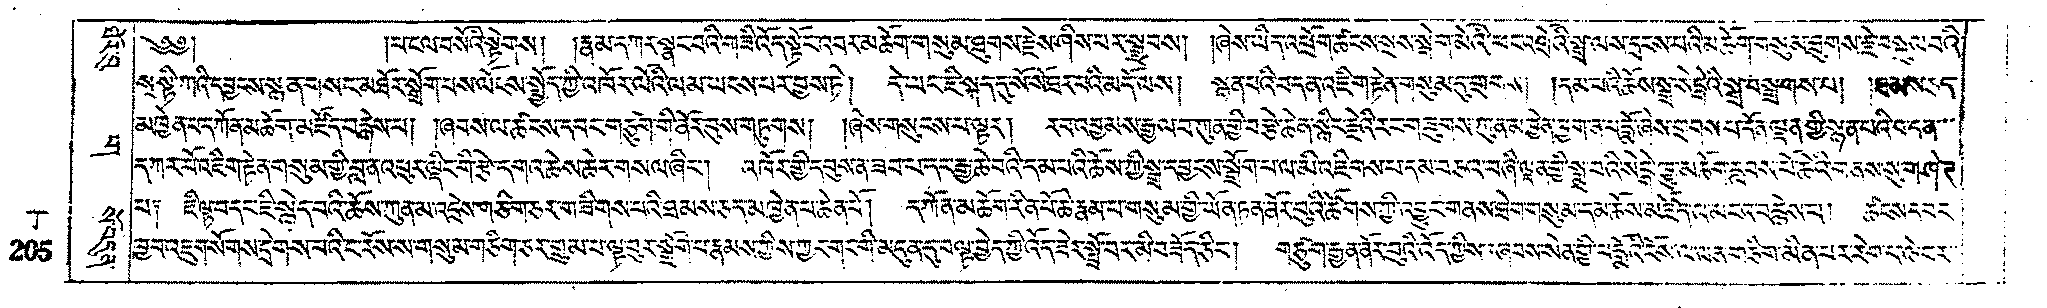༄༅། །པ་ངལ་བསོའི་སྟེགས། །རྣམ་དཀར་སྣང་བའི་གཟི་འོད་སྟོང་འབར་མཆོག་གསུམ་ཐུགས་རྗེས་ཤིས་པར་སྒྲུབས། །ཞེས་ཡིད་འཕྲོག་ཚངས་སྲས་སྒེག་མོའི་ཕང་འགྲོའི་སྒྲ་ལས་དྲངས་པའི་མཆོག་གསུམ་ཐུགས་རྗེ་བསྐུལ་བའི་
སྭ་སྟི་ཀའི་དབྱངས་སྙན་གསང་མཐོར་སྒྲོག་པས་ལོངས་སྤྱོད་ཀྱི་འཁོར་ལོའི་ལམ་ཡངས་པར་བྱས་ཏེ། དེ་ཡང་ཇི་སྐད་དུ་སོ་སོ་ཐར་པའི་མདོ་ལས། སྙན་པའི་བདན་འཇིག་རྟེན་གསུམ་དུ་གྲགས། །དམ་པའི་ཆོས་སྒྲ་སེངྒེའི་སྒྲ་བསྒྲགས་པ། །ཐམས་ཅད་
མཁྱེན་པ་དཀོན་མཆོག་མཛོད་བརྙེས་པ། །ཞབས་ལ་ཚངས་དབང་གཙུག་གི་ནོར་བུས་གཏུགས། །ཞེས་གསུངས་པ་ལྟར། རབ་འབྱམས་རྒྱལ་བ་ཀུན་གྱི་བརྩེ་ཆེན་སྙིང་རྗེའི་རང་གཟུགས་ཀུན་མཁྱེན་ཕྱག་ན་པདམོ་ཞེས་གྲགས་པ་དོན་ལྡན་གྱི་སྙན་པའི་བདན་་་
དཀར་པོ་འཇིག་རྟེན་གསུམ་གྱི་བླ་ན་འཕུར་ལྡིང་གི་རྩེ་དགའ་ཆེས་ཆེར་གསལ་ཞིང་། འཁོར་གྱི་དབུས་ན་ཟབ་པ་དང་རྒྱ་ཆེ་བའི་དམ་པའི་ཆོས་ཀྱི་སྒྲ་དབྱངས་སྒྲོག་པ་ལ་མི་འཇིགས་པ་དམ་བཅའ་བཞི་ལྡན་གྱི་སྨྲ་བའི་སེངྒེ་ཁྱུ་མཆོག་རླབས་པོ་ཆེའི་གནས་སུ་གཤེཊ་
པ༑ ཇི་ལྟ་བ་དང་ཇི་སྙེད་པའི་ཆོས་ཀུན་མ་འདྲེས་གཅིག་ཅར་གཟིགས་པའི་ཐམས་ཅད་མཁྱེན་པ་ཆེན་པོ། དཀོན་མཆོག་རིན་པོ་ཆེ་རྣམ་པ་གསུམ་གྱི་ཡོན་ཏན་ནོར་བུའི་ཚོགས་ཀྱི་འབྱུང་གནས་ཐེག་གསུམ་དམ་ཆོས་མཛོད་ལ་མངའ་བརྙེས་པ། ཚངས་དབང་
ཁྱབ་འཇུག་སོགས་དྲེགས་པའི་ང་རོས་ས་གསུམ་གཅིག་ཅར་གྲུམ་པ་ལྟ་བུར་སྒྲོག་པ་རྣམས་ཀྱིས་ཀྱང་གང་གི་མདུན་དུ་བལྟ་བྱེད་ཀྱི་འོད་ཟེར་སྤྲོ་བར་མི་བཟོད་ཅིང་། གཙུག་རྒྱན་ནོར་བུའི་འོད་ཀྱིས ༧ཞབས་སེན་གྱི་པདམོའི་ངོས་ལ་ལན་གཅིག་མིན་པར་རེག་པ་ཉེ་བར་་་